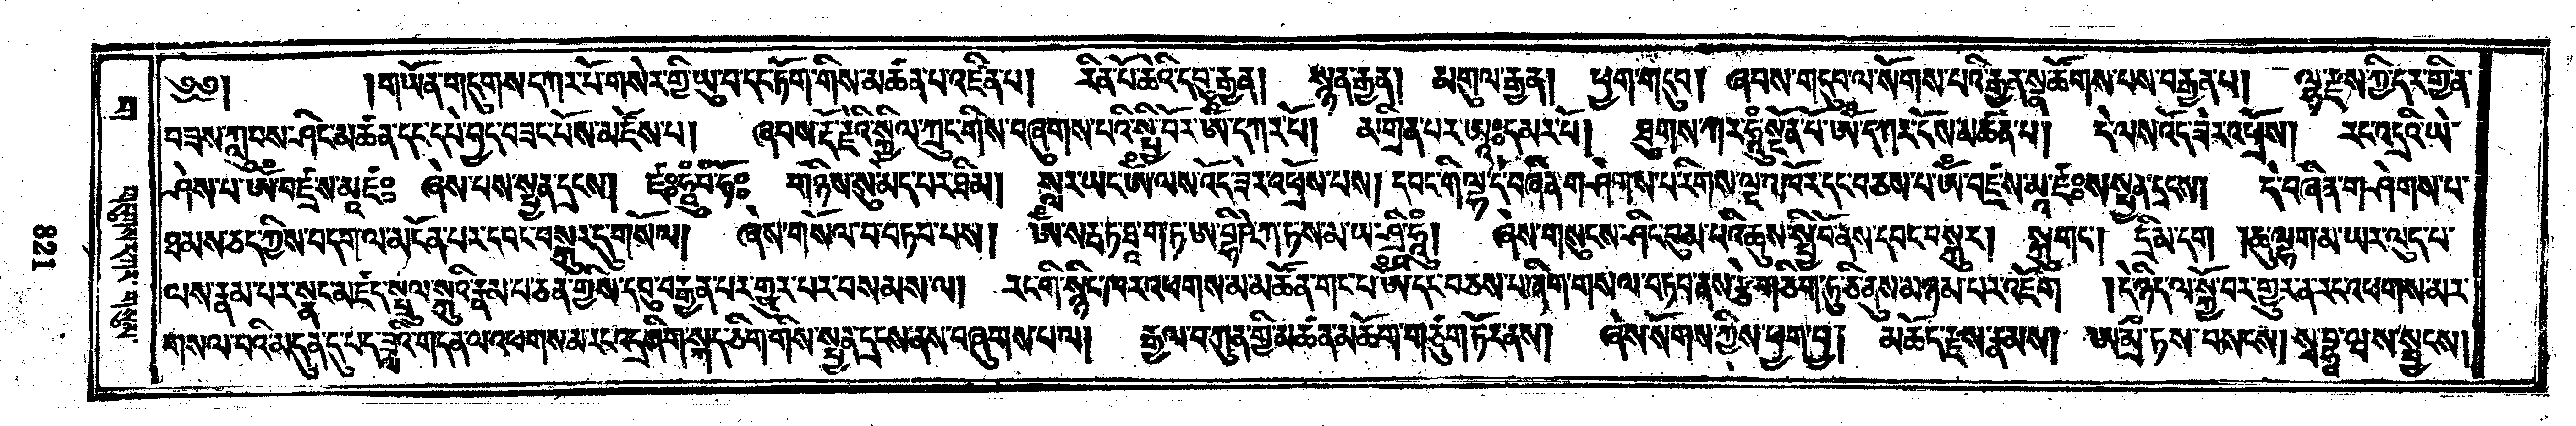༄༅། །གཡོན་གདུགས་དཀར་པོ་གསེར་གྱི་ཡུ་བ་དང་ཏོག་གིས་མཚན་པ་འཛིན་པ། རིན་པོ་ཆེའི་དབུ་རྒྱན། སྙན་རྒྱན། མགུལ་རྒྱན། ཕྱག་གདུབ། ཞབས་གདུབ་ལ་སོགས་པའི་རྒྱན་སྣ་ཚོགས་པས་བརྒྱན་པ། ལྷ་རྫས་ཀྱི་དར་གྱི་ན་
བཟས་ཀླུབས་ཤིང་མཚན་དང་དཔེ་བྱད་བཟང་པོས་མཛོས་པ། ཞབས་རྡོ་རྗེའི་སྐྱིལ་ཀྲུང་གིས་བཞུགས་པའི་སྤྱི་བོར་ཨོཾ་དཀར་པོ། མགྲིན་པར་ཨཱཿདམར་པོ། ཐུགས་ཀར་ཧཱུཾ་སྔོན་པོ་ཨོཾ་དཀར་ངོས་མཚན་པ། དེ་ལས་འོད་ཟེར་འཕྲོས། རང་འདྲའི་ཡེ་
ཤེས་པ་ཨོཾ་བཛྲ་ས་མཱ་ཛཿཞེས་པས་སྤྱན་དྲངས། ཛཿཧཱུཾ་བཾ་ཧོཿ གཉིས་སུ་མེད་པར་ཐིམ། སླར་ཡང་ཨོཾ་ལས་འོད་ཟེར་འཕྲོས་པས། དབང་གི་ལྷ་དེ་བཞིན་གཤེགས་པ་རིགས་ལྔ་འཁོར་དང་བཅས་པ་ཨོཾ་བཛྲ་ས་མཱ་ཛཿས་སྤྱན་དྲངས། དེ་བཞིན་གཤེགས་པ་
ཐམས་ཅད་ཀྱིས་བདག་ལ་མངོན་པར་དབང་བསྐུར་དུ་གསོལ། ཞེས་གསོལ་བ་བཏབ་པས། ཨོཾ་སརྦ་ཏ་ཐཱ་ག་ཏ་ཨ་བྷིཥེ་ཀ་ཏ་ས་མ་ཡ་ཤྲཱི་ཧཱུཾ། ཞེས་གསུངས་ཤིང་བུམ་པའི་ཆུས་སྤྱི་བོ་ནས་དབང་བསྐུར། སྐུ་གང་། དྲིམ་དག །ཆུ་ལྷག་མ་ཡར་ལུད་པ་
ལས་རྣམ་པར་སྣང་མཛད་སྤྲུལ་སྐུའི་རྣམ་པ་ཅན་གྱིས་དབུ་བརྒྱན་པར་གྱུར་པར་བསམས་ལ། རང་གི་སྙིང་ཁར་འཕགས་མ་མཚོན་གང་པ་ཨོཾ་དང་བཅས་པ་ཞིག་གསལ་བཏབ་ནས་རྩེ་གཅིག་ཏུ་ཅི་ནུས་མཉམ་པར་འཇོག །དེ་ཉིད་ལ་སྐྱོ་བར་གྱུར་ན་རང་འཕགས་མར་
གསལ་བའི་མདུན་དུ་པད་ཟླའི་གདན་ལ་འཕགས་མ་རང་འདྲ་བཞིག་སྐད་ཅིག་གིས་སྤྱན་དྲངས་ནས་བཞུགས་པ་ལ། རྒྱལ་བཀུན་གྱི་མཚན་མཆོག་གཙུག་ཏོར་ནས། ཞེས་སོགས་ཀྱི་ཕྱག་བྱ། མཆོད་རྫས་རྣམས། ཨ་མྲྀ་ཏས་བསངས། སྭ་བྷཱ་ཝས་སྦྱངས།